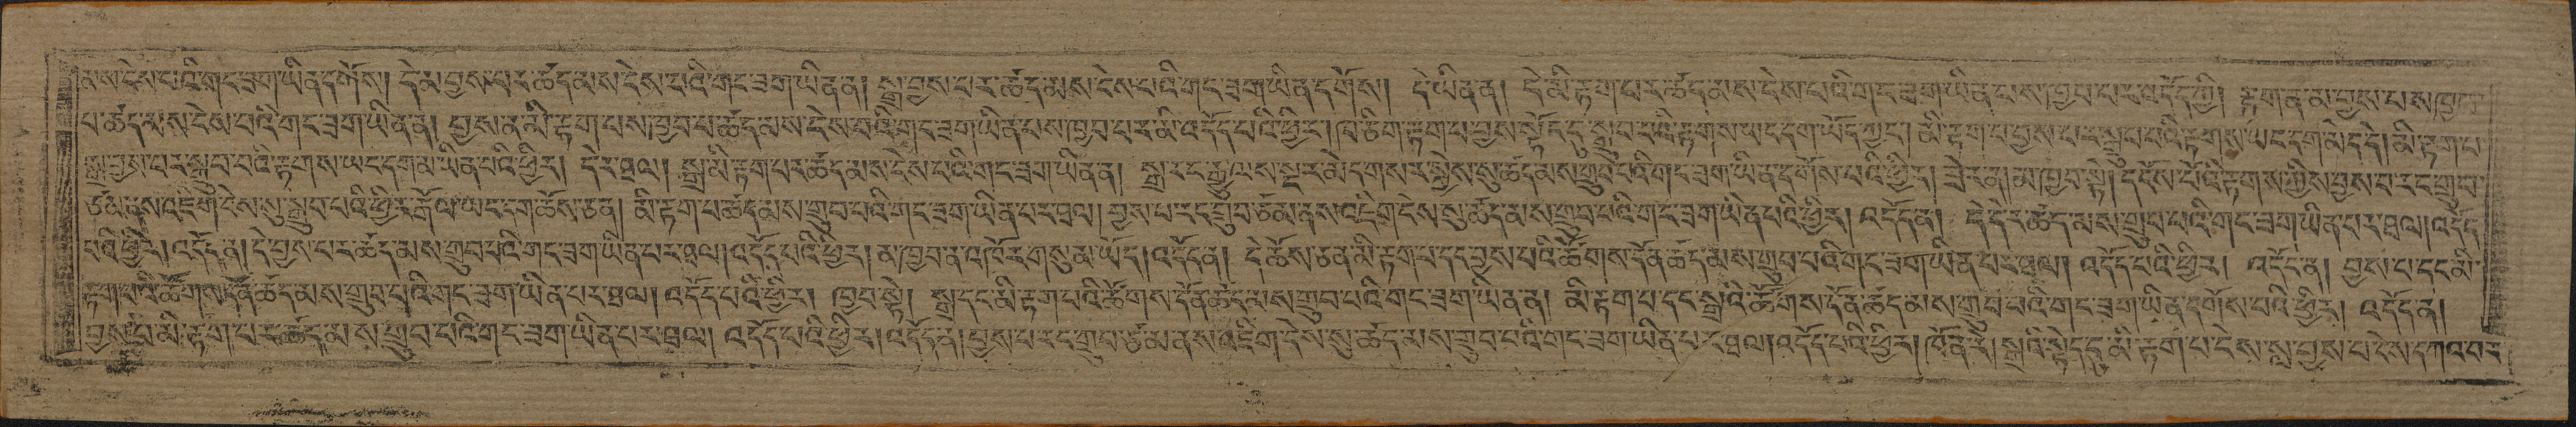མས་ངེས་པའི་གང་ཟག་ཡིན་དགོས། དེ་མ་བྱས་པར་ཚད་མས་ངེས་པའི་གང་ཟག་ཡིན་ན། སྒྲ་བྱས་པར་ཚད་མས་ངེས་པའི་གང་ཟག་ཡིན་དགོས། དེ་ཡིན་ན། དེ་མི་རྟག་པར་ཚད་མས་ངེས་པའི་གང་ཟག་ཡིན་པས་ཁྱབ་པར་འདོད་ཀྱི། རྟག་ན་མ་བྱས་པས་ཁྱབ་
པ་ཚད་མས་ངེས་པའི་གང་ཟག་ཡིན་ན། བྱས་ན་མི་རྟག་པས་ཁྱབ་པ་ཚད་མས་ངེས་པའི་གང་ཟག་ཡིན་པས་ཁྱབ་པར་མི་འདོད་པའི་ཕྱིར། ཁ་ཅིག་རྟག་པ་བྱས་སྟོང་དུ་སྒྲུབ་པའི་རྟགས་ཡང་དག་ཡོད་ཀྱང་། མི་རྟག་པ་བྱས་པར་སྒྲུབ་པའི་རྟགས་ཡང་དག་མེད་དེ། མི་རྟག་པ་
སྒྲ་བྱས་པར་སྒྲུབ་པའི་རྟགས་ཡང་དག་མ་ཡིན་པའི་ཕྱིར། དེར་ཐལ། སྒྲ་མི་རྟག་པར་ཚད་མས་ངེས་པའི་གང་ཟག་ཡིན་ན། སྒྲ་རང་རྒྱུ་ལས་སྔར་མེད་གསར་སྐྱེས་སུ་ཚད་མས་གྲུབ་པའི་གང་ཟག་ཡིན་དགོས་པའི་ཕྱིར། ཟེར་ན། མ་ཁྱབ་སྟེ། དངོས་པོའི་རྟགས་ཀྱིས་བྱས་པ་རང་གྲུབ་
ཙམ་ནས་འཇིག་ངེས་སུ་སྒྲུབ་པའི་ཕྱིར་རྒོལ་ཡང་དག་ཆོས་ཅན། མི་རྟག་པ་ཚད་མས་གྲུབ་པའི་གང་ཟག་ཡིན་པར་ཐལ། བྱས་པ་རང་གྲུབ་ཙམ་ནས་འཇིག་ངེས་སུ་ཚད་མས་གྲུབ་པའི་གང་ཟག་ཡིན་པའི་ཕྱིར། འདོད་ན། དེ་དེར་ཚད་མས་གྲུབ་པའི་གང་ཟག་ཡིན་པར་ཐལ། འདོད་
པའི་ཕྱིར། འདོད་ན། དེ་བྱས་པར་ཚད་མས་གྲུབ་པའི་གང་ཟག་ཡིན་པར་ཐལ། འདོད་པའི་ཕྱིར། མ་ཁྱབ་ན་འཁོར་གསུམ་ཡོད། འདོད་ན། དེ་ཆོས་ཅན་མི་རྟག་པ་དང་བྱས་པའི་ཚོགས་དོན་ཚད་མས་གྲུབ་པའི་གང་ཟག་ཡིན་པར་ཐལ། འདོད་པའི་ཕྱིར། འདོད་ན། བྱས་པ་དང་མི་
རྟག་པའི་ཚོགས་དོན་ཚད་མས་གྲུབ་པའི་གང་ཟག་ཡིན་པར་ཐལ། འདོད་པའི་ཕྱིར། ཁྱབ་སྟེ། སྒྲ་དང་མི་རྟག་པའི་ཚོགས་དོན་ཚད་མས་གྲུབ་པའི་གང་ཟག་ཡིན་ན། མི་རྟག་པ་དང་སྒྲའི་ཚོགས་དོན་ཚད་མས་གྲུབ་པའི་གང་ཟག་ཡིན་དགོས་པའི་ཕྱིར། འདོད་ན།
བྱས་པ་མི་རྟག་པར་ཚད་མས་གྲུབ་པའི་གང་ཟག་ཡིན་པར་ཐལ། འདོད་པའི་ཕྱིར། འདོད་ན། བྱས་པ་རང་གྲུབ་ཙམ་ནས་འཇིག་དེས་སུ་ཚད་མས་གྲུབ་པའི་གང་ཟག་ཡིན་པར་ཐལ། འདོད་པའི་ཕྱིར། ཁོ་ན་རེ། སྒྲའི་སྟེང་དུ་མི་རྟག་པ་ངེས་སླ་བྱས་པ་ངེས་དཀའ་བར་